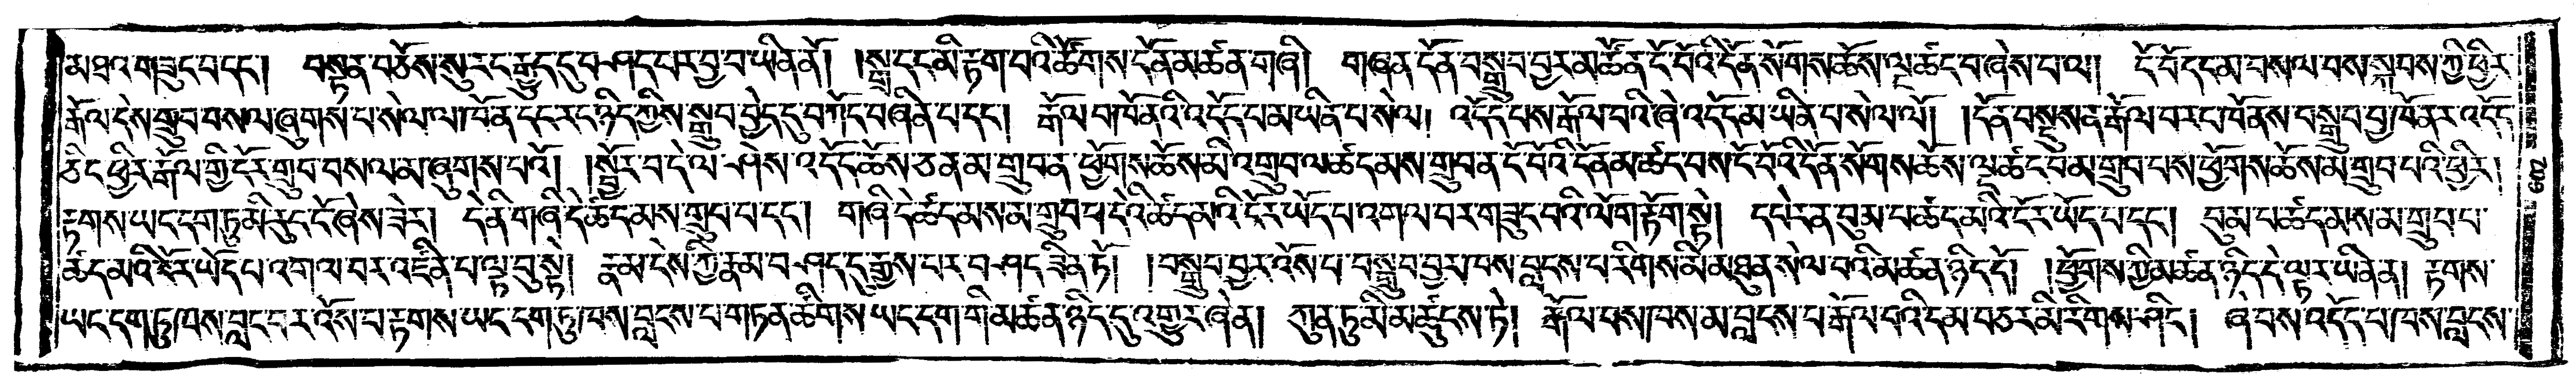མཐའ་གཟུང་བ་དང་། བསྟན་བཅོས་སུ་རང་རྒྱུད་དུ་བཤད་པར་བྱ་བ་ཡིན་ནོ། །སྒྲ་དང་མི་རྟག་བའི་ཚོགས་དོན་མཚན་གཞི། གཞན་དོན་བསྒྲུབ་བྱར་མཚོན་ངོ་བོའི་དོན་སོགས་ཆོས་ལྔ་ཚང་བ་ཞེས་པ་ལ། ངོ་བོ་དང་མ་བསལ་བས་སྐབས་ཀྱི་ཕྱིར་
རྒོལ་དེས་གྲུབ་བསལ་ཞུགས་པ་སེལ་ལ་ཁོ་ན་དང་རང་ཉིད་ཀྱིས་སྒྲུབ་བྱེད་དུ་བཀོད་བཞིན་པ་དང་། རྒོལ་བ་ཁོ་ནའི་འདོད་པ་མ་ཡིན་པ་སེལ། འདོད་པས་རྒོལ་བའི་ཞེ་འདོད་མ་ཡིན་པ་སེལ་ལོ། །དོན་བསྡུས་ན་རྒོལ་བ་རང་ཁོ་ནས་བསྒྲུབ་བྱ་ཁོ་ནར་འདོད་
ཅིང་ཕྱིར་རྒོལ་གྱི་དོར་གྲུབ་བསལ་མ་ཞུགས་པའོ། །སྦྱོར་བ་དེ་ལ་ཤེས་འདོད་ཆོས་ཅན་མ་གྲུབ་ན་ཕྱོགས་ཆོས་མི་འགྲུབ་ལ་ཚད་མས་གྲུབ་ན་ངོ་བོའི་དོན་མ་ཚང་བས་ངོ་བོའི་དོན་སོགས་ཆོས་ལྔ་ཚད་བ་མ་གྲུབ་པས་ཕྱོགས་ཆོས་མ་གྲུབ་པའི་ཕྱིར།
རྟགས་ཡང་དག་ཏུ་མི་རུང་ངོ་ཞེས་ཟེར། དེ་ནི་གཞི་དེ་ཚད་མས་གྲུབ་པ་དང་། གཞི་དེ་ཚད་མས་མ་གྲུབ་པ་དེའི་ཚད་མའི་ངོར་ཡོད་པ་འགལ་བར་གཟུང་བའི་ལོག་རྟོག་སྟེ། དཔེར་ན་བུམ་པ་ཚད་མའི་ངོར་ཡོད་པ་དང་། བུམ་པ་ཚད་མས་མ་གྲུབ་པ་
ཚད་མའི་ངོར་ཡོད་པ་འགལ་བར་འཛིན་པ་ལྟ་བུ་སྟེ། རྣམ་ངེས་ཀྱི་རྣམ་བཤད་དུ་རྒྱས་པར་བཤད་ཟིན་ཏོ། །བསྒྲུབ་བྱར་འོས་པ་བསྒྲུབ་བྱར་ཁས་བླངས་པ་རིགས་མི་མཐུན་སེལ་བའི་མཚན་ཉིད་དོ། །ཕྱོགས་ཀྱི་མཚན་ཉིད་དེ་ལྟར་ཡིན་ན། རྟགས་
ཡང་དག་ཏུ་ཁས་བླང་བར་འོས་པ་རྟགས་ཡང་དག་ཏུ་ཁས་བླངས་པ་གཏན་ཚིགས་ཡང་དག་གི་མཚན་ཉིད་དུ་འགྱུར་ཞེ་ན། ཀུན་ཏུ་མི་མཚུངས་ཏེ། རྒོལ་བས་ཁས་མ་བླངས་པ་རྒོལ་བའི་དམ་བཅར་མི་རིགས་ཤིང་། ཞེ་བས་འདོད་པ་ཁས་བླངས་